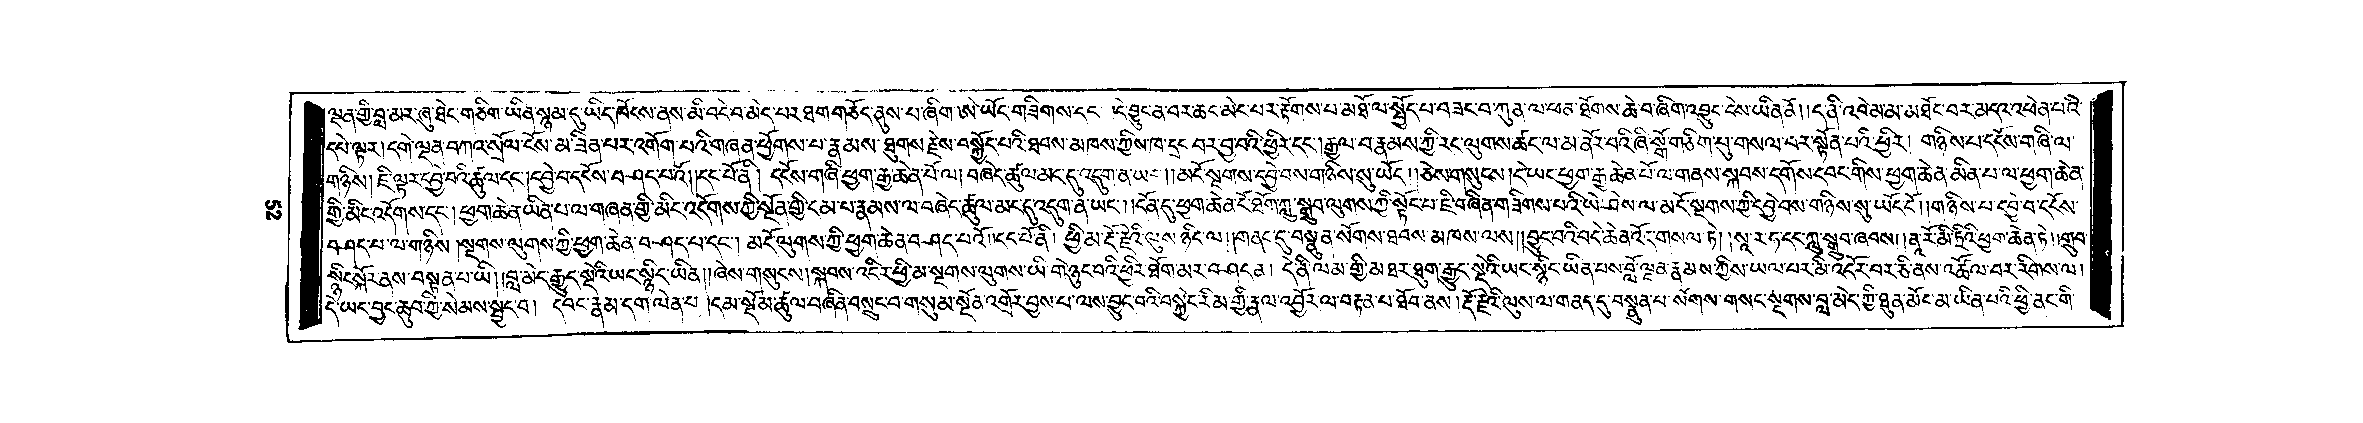ལྡན་གྱི་བླ་མར་ཞུ་ཐེང་གཅིག་ཡིན་སྙམ་དུ་ཡིད་ཁོངས་ནས་མི་བདེ་བ་མེད་པར་ཐག་གཅོད་ནུས་པ་ཞིག་ཨེ་ཡོང་གཟིགས་དང་། དེ་བྱུང་ན་བར་ཆད་མེད་པར་རྟོགས་པ་མཐོ་ལ་སྤྱོད་པ་བཟང་བ་ཀུན་ལ་ཕན་ཐོགས་ཆེ་བ་ཞིག་འབྱུང་ངེས་ཡིན་ནོ། །ད་ནི་འབེམ་མ་མཐོང་བར་མདའ་འཕེན་པའི་
དཔེ་ལྟར། དགེ་ལྡན་བཀའ་སྲོལ་ངོས་མ་ཟིན་པར་འགོག་པའི་གཞན་ཕྱོགས་པ་རྣམས་ཐུགས་རྗེས་བསྐྱོད་པའི་ཐབས་མཁས་ཀྱིས་ཁ་དྲང་བར་བྱ་བའི་ཕྱིར་དང་། རྒྱལ་བ་རྣམས་ཀྱི་རང་ལུགས་ཚང་ལ་མ་ནོར་བའི་ཞི་སྒོ་གཅིག་པུ་གསལ་བར་སྟོན་པའི་ཕྱིར། གཉིས་པ་དངོས་གཞི་ལ་
གཉིས། ཇི་ལྟར་དབྱེ་བའི་ཚུལ་དང་། དབྱེ་བ་དངོས་བཤད་པའོ། །དང་པོ་ནི། དངོས་གཞི་ཕྱག་རྒྱ་ཆེན་པོ་ལ། བཞེད་ཚུལ་མང་དུ་འདུག་ན་ཡང་། །མདོ་སྔགས་དབྱེ་བས་གཉིས་སུ་ཡོད། །ཅེས་གསུངས། དེ་ཡང་ཕྱག་རྒྱ་ཆེན་པོ་ལ་གནས་སྐབས་དགོས་དབང་གིས་ཕྱག་ཆེན་མིན་པ་ལ་ཕྱག་ཆེན་
གྱི་མིང་འདོགས་དང་། ཕྱག་ཆེན་ཡིན་པ་ལ་གཞན་གྱི་མིང་འདོགས་ཀྱི་སྔོན་གྱི་དམ་པ་རྣམས་ལ་བཞེད་ཚུལ་མང་དུ་འདུག་ན་ཡང་། །དོན་དུ་ཕྱག་ཆེན་ངོ་ཐོག་ཀླུ་སྒྲུབ་ལུགས་ཀྱི་སྟོང་པ་ཇི་བཞིན་གཟིགས་པའི་ཡེ་ཤེས་ལ་མདོ་སྔགས་ཀྱི་དབྱེ་བས་གཉིས་སུ་ཡོད་དོ། །གཉིས་པ་དབྱེ་བ་དངོས་
བཤད་པ་ལ་གཉིས། སྔགས་ལུགས་ཀྱི་ཕྱག་ཆེན་བཤད་པ་དང་། མདོ་ལུགས་ཀྱི་ཕྱག་ཆེན་བཤད་པའོ། །དང་པོ་ནི། ཕྱི་མ་རྡོ་རྗེའི་ལུས་ཉིད་ལ། །གནང་དུ་བསྣུན་སོགས་ཐབས་མཁས་ལས། །བྱུང་བའི་བདེ་ཆེན་འོད་གསལ་ཏེ། །སཱ་ར་ཧ་དང་ཀླུ་སྒྲུབ་ཞབས། །ནཱ་རོ་མི་ཏྲིའི་ཕྱག་ཆེན་ཏེ། །གྲུབ་
སྙིང་སྐོར་ནས་བསྟན་པ་ཡི། །བླ་མེད་རྒྱུད་སྡེའི་ཡང་སྙིང་ཡིན། །ཞེས་གསུངས། སྐབས་འདིར་ཕྱི་མ་སྔགས་ལུགས་ཡི་གེ་ཉུང་བའི་ཕྱིར་ཐོག་མར་བཤད་ན། དེ་ནི་ལམ་གྱི་མཐར་ཐུག་རྒྱུད་སྡེའི་ཡང་སྙིང་ཡིན་པས་བློ་ལྡན་རྣམས་ཀྱིས་ཡལ་པར་མི་འདོར་བར་ཅི་ནས་འཚོལ་བར་རིགས་ལ།
དེ་ཡང་བྱང་ཆུབ་ཀྱི་སེམས་སྦྱང་བ། དབང་རྣམ་དག་ལེན་པ། དམ་སྡོམ་ཚུལ་བཞིན་བསྲུང་བ་གསུམ་སྔོན་འགྲོར་བྱས་པ་ལས་བྱུང་བའི་བསྐྱེད་རིམ་གྱི་རྣལ་འབྱོར་ལ་བརྟན་པ་ཐོབ་ནས། རྡོ་རྗེའི་ལུས་ལ་གནད་དུ་བསྣུན་པ་སོགས་གསང་སྔགས་བླ་མེད་ཀྱི་ཐུན་མོང་མ་ཡིན་པའི་ཕྱི་ནང་གི་